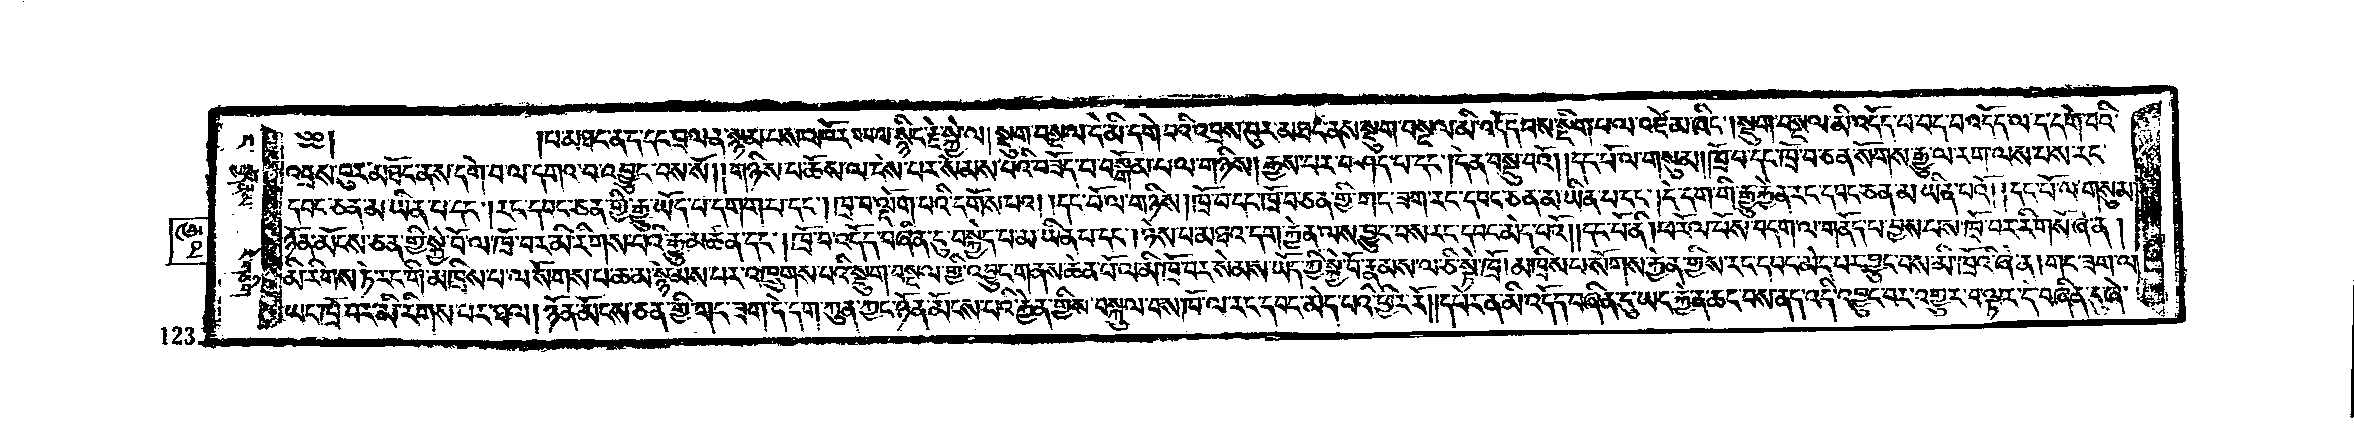༄༅། །པ་མཐང་ན་ང?་དང་ཐལ་ན་སྙམ་པས་འཁོར་བ་པ་ལ་སྙིང་རྗེ་སྐྱེ་ལ་སྡུག་བསྔལ་དེ་མི་དགེ་བའི་འབྲས་བུར་མཐང་ནས་སྡུག་བསྔལ་མི་འདོད་པས་སྡིག་པ་ལ་འཛེམ་ཞིང་། སྡུག་བསྔལ་མི་འདོད་པ་བདེ་བ་འདོད་ལ་དེ་དགེ་བའི་
འབྲས་བུར་མཐོང་ན་དགེ་བ་ལ་དགའ་བ་འབྱུང་བས་སོ། །གཉིས་པ་ཆོས་ལ་ངེས་པར་སེམས་པའི་བཟོད་པ་བསྒོམ་པ་ལ་གཉིས། རྒྱས་པར་བཤད་པ་དང་། དོན་བསྡུ་བའོ། །དང་པོ་ལ་གསུམ་ཁྲོ་བ་དང་ཁྲོ་བ་ཅན་སོགས་རྒྱུ་ལ་རག་ལས་པས་རང་
དབང་ཅན་མ་ཡིན་པ་དང་། རང་དབང་ཅང་ཡི་རྒྱུ་ཡོད་པ་དགག་པ་དང་། ཁྲ་བ་ལྡོག་པའི་དགོས་པའོ། །དང་པོ་ལ་གཉིས། ཁྲོ་བ་དང་ཁྲོ་བ་ཅན་གྱི་གང་ཟག་རང་དང་ཅན་མ་ཡིན་པ་དང་། དེ་དག་གི་རྒྱུ་རྐྱེན་རང་དང་ཅན་མ་ཡིན་པའོ། །དང་པོ་ལ་གསུམ།
ཉོན་མོངས་ཅན་གྱི་སྐྱེ་བོ་ལ་ཁྲོ་བར་མི་རིགས་པའི་རྒྱུ་མཚན་དང་། ཁྲོ་བ་འདོད་བཞིན་དུ་བསྐྱེད་པ་མ་ཡིན་པ་དང་། ཉེས་པ་མཐའ་དག་རྐྱེན་ལས་བྱུང་བས་རང་དབང་མེད་པའོ། །དང་པོ་ནི། ཕ་རོལ་པོས་བདག་ལ་གནོད་པ་བྱས་པས་ཁྲོ་བར་རིགས་སོ་ཞེ་ན། །
མི་རིགས་ཏི་རང་གི་མཁྲིས་པ་ལ་སོགས་པ་ཆ་མ་སྙོམས་པར་འཁྲུགས་པའི་སྡུག་བསྔལ་གྱི་འབྱུང་གནས་ཆེན་པོ་ལ་མི་ཁྲོ་བར་སེམས་ཡོད་ཀྱི་སྐྱེ་བོ་རྣམས་ལ་ཅི་སྟེ་ཁྲོ། མཁྲིས་པ་སོགས་རྐྱེན་གྱིས་རང་དབང་མེད་པར་བྱུང་བས་མི་ཁྲོའི་ཞེ་ན། གང་ཟག་ལ་
ཡང་ཁྲོ་བར་མི་རིགས་པར་ཐལ། ཉོན་མོངས་ཅན་གྱི་གང་ཟག་དེ་དག་ཀུན་ཀྱང་ཡོན་མོངས་པའི་རྐྱེན་གྱིས་བསྐུལ་བས་ཁོ་ལ་རང་དབང་མེད་པའི་ཕྱིར་རོ། །དཔེར་ན་མི་འདོད་བཞིན་དུ་ཡང་རྐྱེན་ཆད་པས་ནད་འདི་འབྱུང་བར་འགྱུར་བ་ལྟར་དེ་བཞིན་དུ་ཞེ་